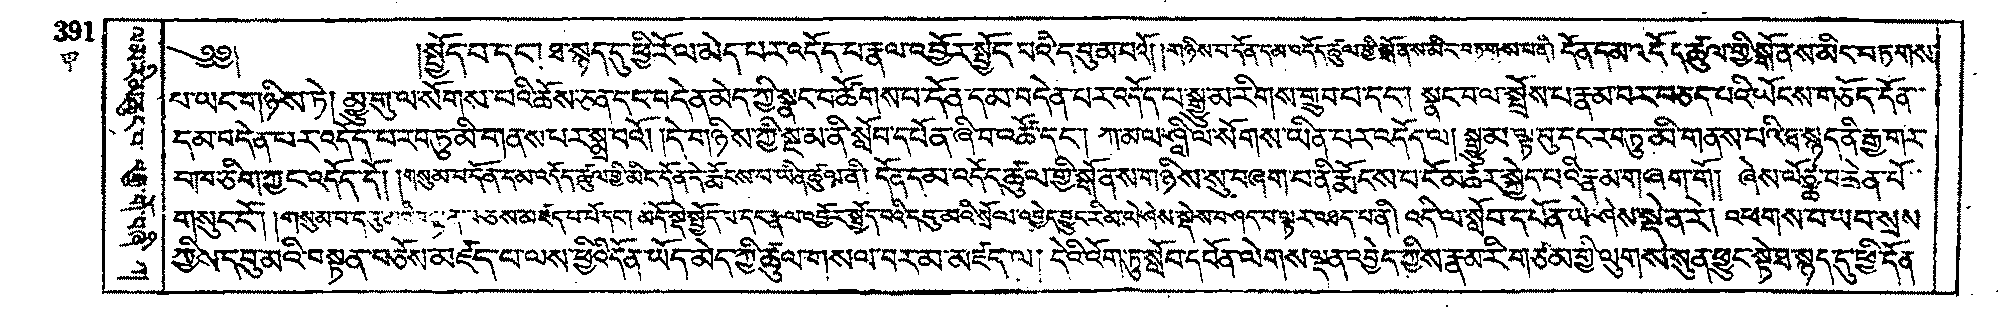༄༅། །སྤྱོད་པ་དང་། ཐ་སྙད་དུ་ཕྱི་རོལ་མེད་པར་འདོད་པ་རྣལ་འབྱོར་སྤྱོད་པའི་དབུ་མ་པའོ། །གཉིས་པ་དོན་དམ་འདོད་ཚུལ་གྱི་སྒོ་ནས་མིང་བཏགས་པ་ནི།  དོན་དམ་འདོད་ཚུལ་གྱི་སྒོ་ནས་མིང་བཏགས་
པ་ཡང་གཉིས་ཏེ། མྱུ་གུ་ལ་སོགས་པའི་ཆོས་ཅན་དང་བདེན་མེད་ཀྱི་སྣང་བ་ཚོགས་པ་དོན་དམ་བདེན་པར་འདོད་པ་སྒྱུ་མ་རིགས་གྲུབ་པ་དང་། སྣང་བ་ལ་སྤྲོས་པ་རྣམ་པར་བཅད་པའི་ཡོངས་གཅོད་དོན་
དམ་བདེན་པར་འདོད་པ་རབ་ཏུ་མི་གནས་པར་སྨྲ་བའོ། །དེ་གཉིས་ཀྱི་སྔ་མ་ནི་སློབ་དཔོན་ཞི་བ་འཚོ་དང་། ཀ་མ་ལ་ཤཱི་ལ་སོགས་ཡིན་པར་འདོད་ལ། སྒྱུ་མ་ལྟ་བུ་དང་རབ་ཏུ་མི་གནས་པའི་ཐ་སྙད་ནི་རྒྱ་གར་
བ་ཁ་ཅིག་ཀྱང་འདོད་དོ། །གསུམ་པ་དོན་དམ་འདོད་ཚུལ་གྱི་མིང་དོན་དེ་རྨོངས་པ་ཡིན་ཚུལ་ནི།  དོན་དམ་འདོད་ཚུལ་གྱི་སྒོ་ནས་གཉིས་སུ་བཞག་པ་ནི་རྨོངས་པ་ངོ་མཚར་སྐྱེད་པའི་རྣམ་གཞག་གོ། ཞེས་ལོཙྪ་བ་ཆེན་པོ་
གསུང་ངོ། །གསུམ་པ་དབུ་མའི་བསྟན་བཅས་མཛད་པ་པོ་དང་། མདོ་སྡེ་སྤྱོད་པ་དང་རྣལ་འབྱོར་སྤྱོད་པའི་དབུ་མའི་སྲོལ་འབྱེད་བྱུང་རིམ་ཡེ་ཤེས་སྡེས་བཤད་པ་ལྟར་འཐད་པ་ནི།  འདི་ལ་སློབ་དཔོན་ཡེ་ཤེས་སྡེ་ན་རེ། འཕགས་པ་ཡབ་སྲས་
ཀྱིས་དབུ་མའི་བསྟན་བཅོས་མཛད་པ་ལས་ཕྱིའི་དོན་ཡོད་མེད་ཀྱི་ཚུལ་གསལ་བར་མ་མཛད་ལ། དེའི་འོག་ཏུ་སློབ་དཔོན་ལེགས་ལྡན་འབྱེད་ཀྱིས་རྣམ་རི་གཙམ་གྱི་ལུགས་སུན་ཕྱུང་སྟེ་ཐ་སྙད་དུ་ཕྱི་དོན་